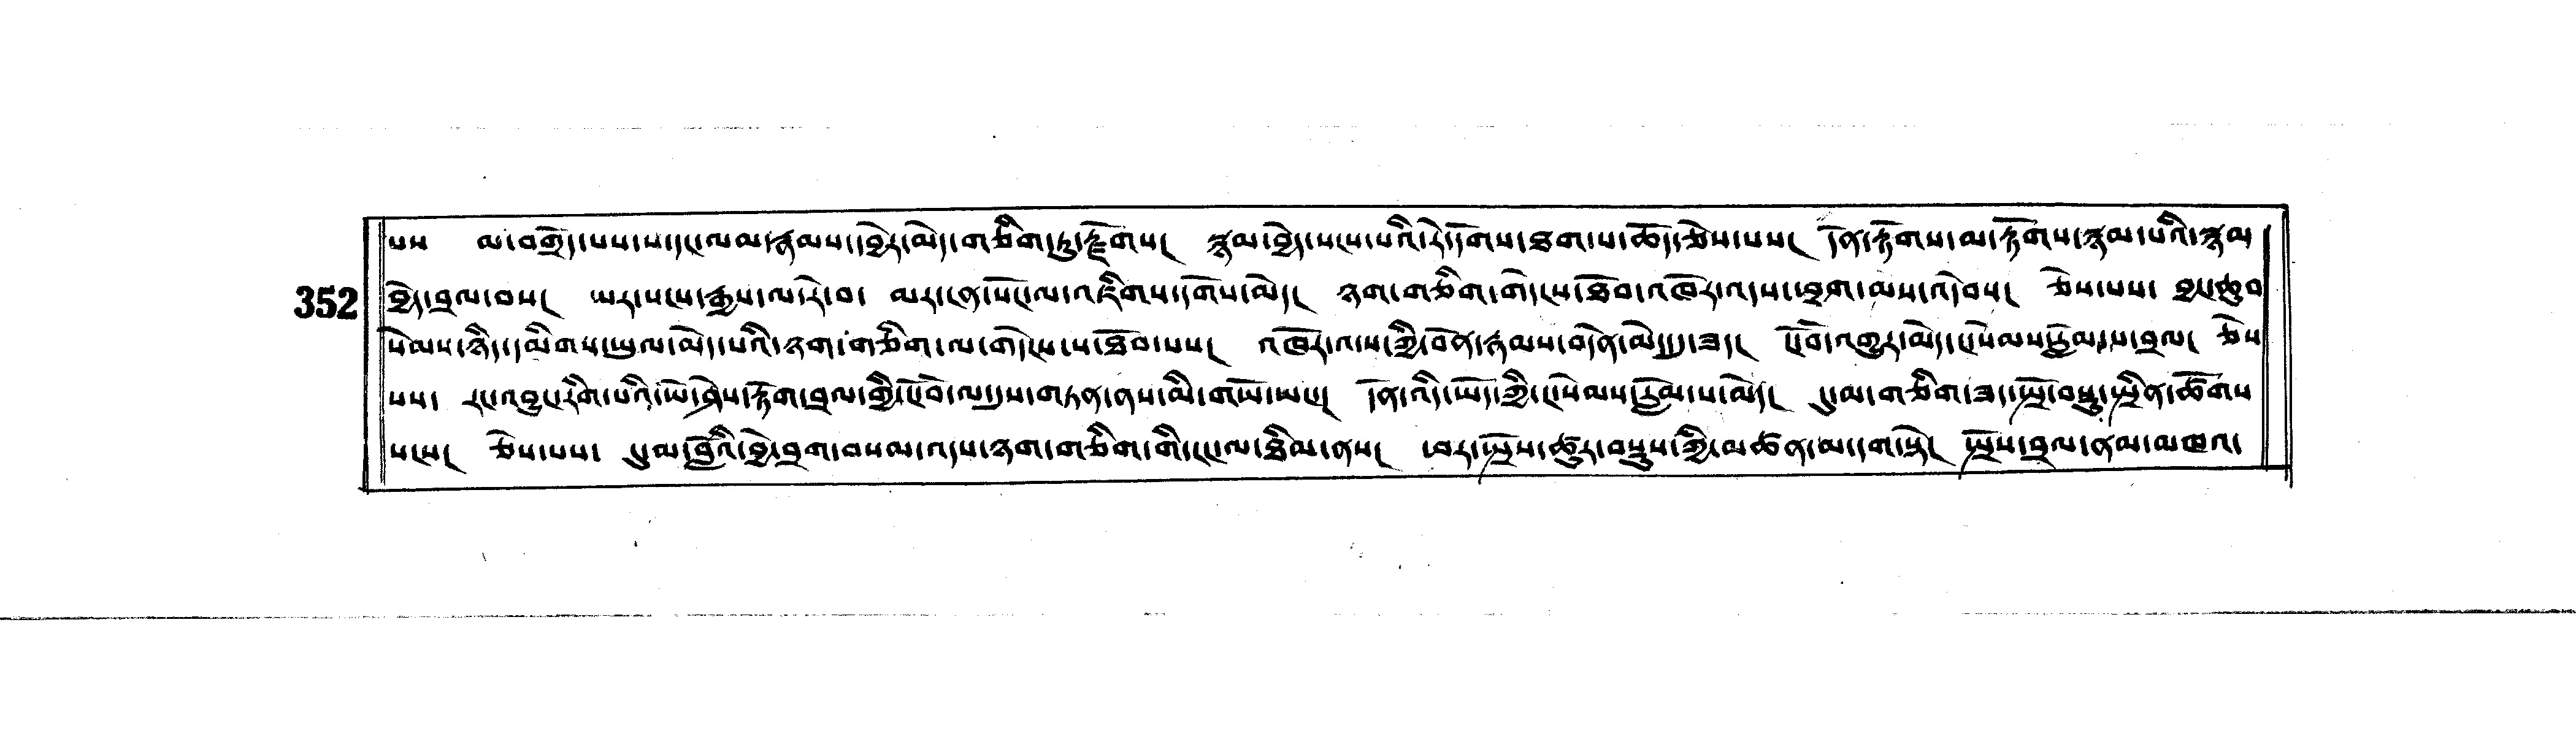པས། མ་བགྲོད་པས་ས་དང་ལམ་རྣམས་དབྱེར་མེད་གཅིག་ཏུ་རྫོགས། སྙམ་བྱེད་སངས་པའི་རེ་དོགས་ཐག་པ་ཆོད། དོན་རྟོགས་མ་རྟོགས་སྙམ་པའི་སྙམ་
བྱེད་བྲལ་བས། ཡར་སངས་རྒྱས་ལ་རེ་བ་མར་ངན་སོང་ལ་འཇིགས་དགོས་མེད། ཉག་ཅིག་གདེང་ཐོབ་འཁོར་འདས་ཕྱག་མས་འདེབས། ཅེས་པས། བྱང་ཆུབ་
སེམས་ཉིད་དམིགས་ཡུལ་མེད་པའི་ཉག་ཅིག་ལ་གདེང་ཐོབ་པས། འཁོར་འདས་ཀྱི་བོན་རྣམས་བདེན་མེད་དུ་ཟད། ངོ་བོ་འགྱུར་མེད་ང་སེམས་རློམ་པ་བྲལ། ཅེས་
པས། རང་འབྱུང་རིག་པའི་ཡེ་ཤེས་རྟོག་བྲལ་གྱི་ངོ་བོ་དུས་གཏན་ནས་མི་གཡོ་ཡང་། དོན་འདི་ཡོད་ཀྱི་ང་སེམས་རློམ་པ་མེད། དུ་མ་གཅིག་ཟད་སྤྲོ་བསྡུ་སྤྲིན་ཚོགས་
སངས། ཅེས་པས། དུ་མ་བློ་ཡི་བྱེ་བྲག་བསམ་འདས་ཉག་ཅིག་གི་ངང་ལ་ཐིམ་ནས། ཕར་སྤྲོས་ཚུར་བསྡུས་ཀྱི་མཚན་མ་དག་སྟེ། སྤྲོས་བྲལ་ནམ་མཁའ་